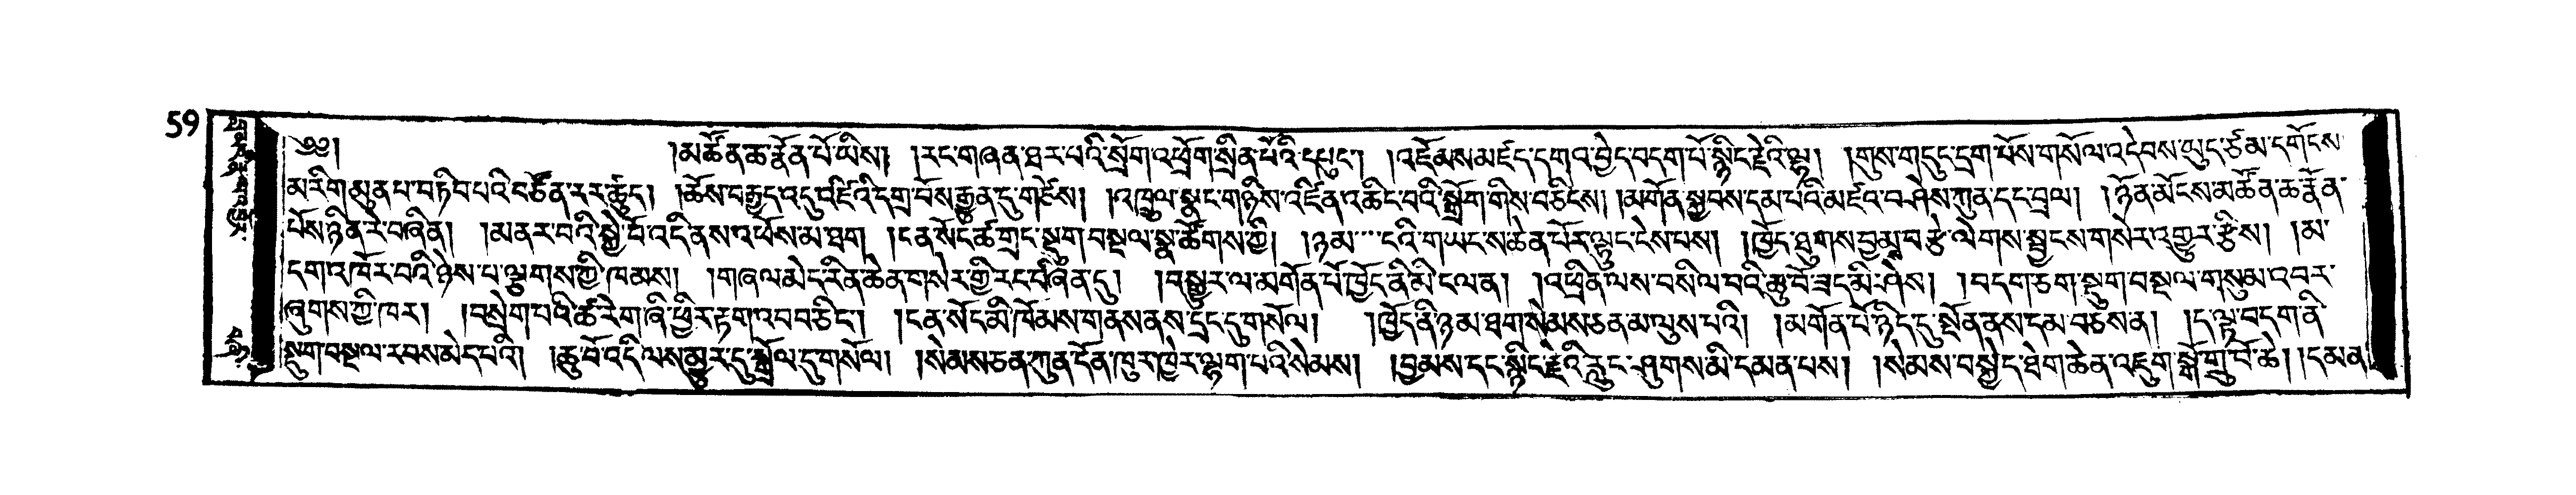༄༅། །མཚོན་ཆ་རྣོན་པོ་ཡིས། །རང་གཞན་ཐར་བའི་སྲོག་འཕྲོག་སྲིན་པོའི་དཔུང་། །འཇོམས་མཛད་དགའ་བྱེད་བདག་པོ་སྙིང་རྗེའི་ལྷ། །གུས་གདུང་དྲག་པོ་གསོལ་འདེབས་ཡུད་ཙམ་དགོངས།
མ་རིག་མུན་པ་བཏིབ་པའི་བཙོན་རང་ཚུད། །ཆོས་བརྒྱད་འདུ་འཛིའི་དགྲ་པོས་རྒྱུན་དུ་གཙེས། །འཁྲུལ་སྣང་གཉིས་འཛིན་འཆིང་བའི་སྒྲོག་གིས་བཅིངས། །མགོན་སྐྱབས་དམ་པའི་མཛའ་བཤེས་ཀུན་དང་བྲལ། །ཉོན་མོངས་མཚོན་ཆ་རྣོན་
པོས་ཉིན་རེ་བཞིན། །མནར་བའི་སྐྱེ་བོ་འདི་ནས་འཕོས་མ་ཐག །ངན་སོང་ཚ་གྲང་སྡུག་བསྔལ་སྣ་ཚོགས་ཀྱི། །ཉམ་ངའི་གཡང་ས་ཆེན་པོར་ལྟུང་ངེས་པས། །ཁྱོད་ཐུགས་བྱམས་བརྩེ་ལེགས་སྦྱངས་གསེར་འགྱུར་རྩིས། །མ་
དག་འཁོར་བའི་ཉེས་པ་ལྕགས་ཀྱི་ཁམས། །གཞལ་མེད་རིན་ཆེན་གསེར་གྱི་རང་བཞིན་དུ། །བསྒྱུར་ལ་མགོན་པོ་ཁྱོད་ནི་མི་ངལ་ན། །འཕྲིན་ལས་བསིལ་བའི་ཆུ་བོ་ཟད་མི་ཤེས། །བདག་ཅག་སྡུག་བསྔལ་གསུམ་འབར་
ཞུགས་ཀྱི་ཁར། །བསྲེག་པའི་ཚེར་རེ་གཞི་ཕྱིར་རྟག་འབབ་ཅིང་། །ངན་སོང་མི་ཁོམས་གནས་ནས་དྲང་དུ་གསོ། །ཁྱོད་ནི་ཉམ་ཐག་སེམས་ཅན་མ་ལུས་པའི། །མགོན་པོ་ཉིད་དུ་སྔོན་ནས་དམ་བཅས་ན། །ད་ལྟ་བདག་ནི་
སྡུག་བསྔལ་རབས་མེད་པའི། །ཆུ་བོ་འདི་ལས་མྱུར་དུ་སྒྲོལ་དུ་གསོལ། །སེམས་ཅན་ཀུན་དོན་ཁུར་ཁྱེར་ལྷག་པའི་སེམས། །བྱམས་དང་སྙིང་རྗེའི་རླུང་ཤུགས་མི་དམན་པས། །སེམས་བསྐྱེད་ཐེག་ཆེན་འཇུག་སྒོ་གྲུ་བོ་ཆེ། །དམན་